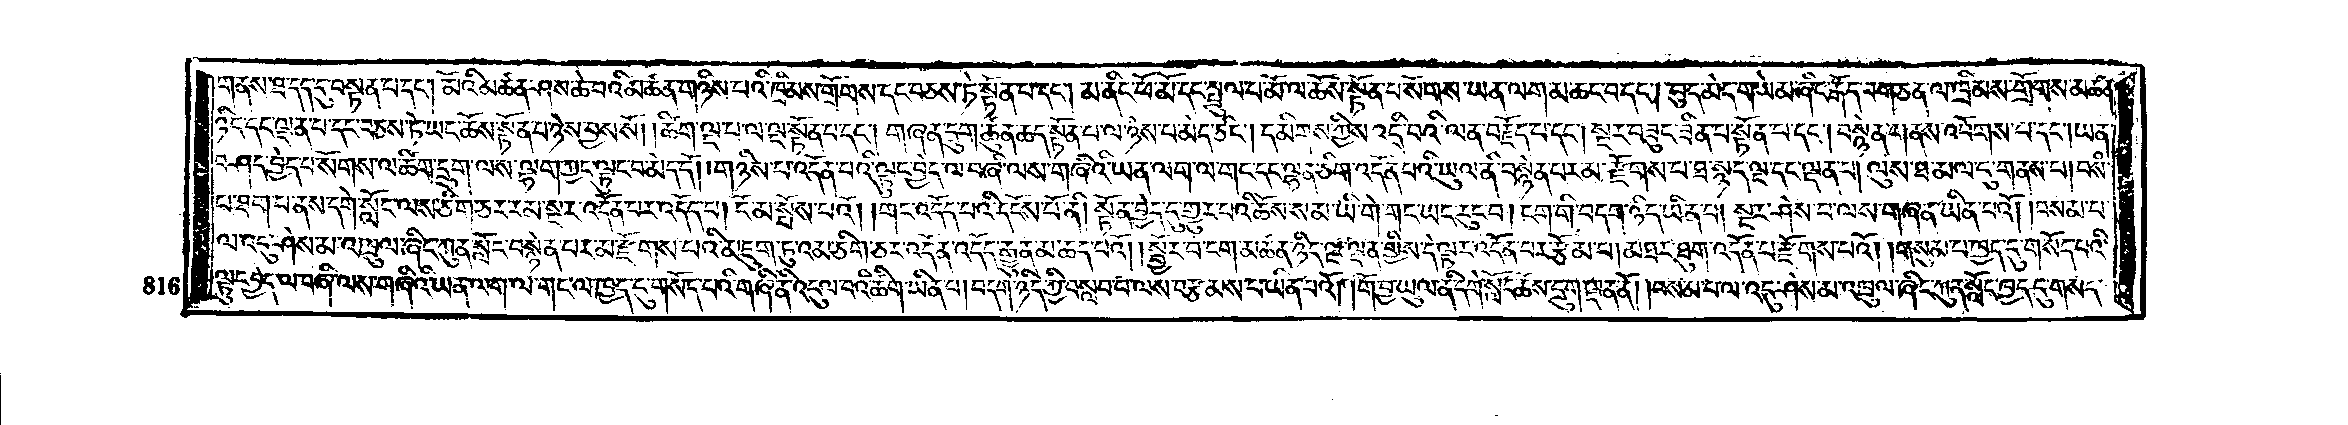གནས་ཐ་དད་དུ་བསྟན་པ་དང་། མོའི་མཚན་ཤས་ཆེ་བའི་མཚན་གཉིས་པའི་ཁྲིམས་གྲོགས་དང་བཅས་ཏེ་སྟོན་པ་དང་། མ་ནིང་ཕོ་མོ་དང་སྤྲུལ་པ་མོ་ལ་ཆོས་སྟོན་པ་སོགས་ཡན་ལག་མ་ཚང་བ་དང་། བུད་མེད་གཡེམ་ཞིང་རྒོད་བག་ཅན་ལ་ཁྲིམས་གྲོགས་མཚན་
ཉིད་དང་ལྡན་པ་དང་བཅས་ཏེ་ཡང་ཆོས་སྟོན་པ་ཉེས་བྱས་སོ། །ཚིག་ལྔ་པ་ལ་ལྔ་སྟོན་པ་དང་། གཞན་དྲུག་ཚུན་ཆད་སྟོན་པ་ལ་ཉེས་པ་མེད་ཅིང་། དམིགས་ཀྱིས་འདྲི་བའི་ལན་བརྗོད་པ་དང་། སྔར་བཟུང་ཟིན་པ་སྟོན་པ་དང་། བསྙེན་གནས་འབོགས་པ་དང་། ཡན་
བཤད་བྱེད་པ་སོགས་ལ་ཚིག་དྲུག་ལས་ལྷག་ཀྱང་ལྟུང་བ་མེད་དོ། །གཉིས་པ་འདོན་པའི་ལྟུང་བྱེད་ལ་བཞི་ལས་གཞིའི་ཡན་ལག་ལ་གང་དང་ལྷན་ཅིག་འདོན་པའི་ཡུལ་ནི་བསྙེན་པར་མ་རྫོགས་པ་ཐ་སྙད་ལྔ་དང་ལྡན་པ། ལུས་ཐ་མལ་དུ་གནས་པ། བསམ་
པ་ཐག་པ་ནས་དགེ་སློང་ལས་ཅིག་ཅར་རམ་སྔར་འདོན་པར་འདོད་པ། ངོ་མ་སྤོས་པའོ། །གང་འདོད་པའི་དངོས་པོ་ནི། སྟོན་བྱེད་དུ་གྱུར་པའི་ཆོས་སམ་ཡི་གེ་གང་ཡང་རུང་བ། ངག་གི་བདག་ཉིད་ཡིན་པ། སྔར་ཤེས་པ་ལས་གཞན་ཡིན་པའོ། །བསམ་པ་
ལ་འདུ་ཤེས་མ་འཁྲུལ་ཞིང་ཀུན་སློང་བསྙེན་པར་མ་རྫོགས་པའི་མཇུག་ཏུ་འམ་ཅིག་ཅར་འདོན་འདོད་རྒྱུན་མ་ཆད་པའོ། །སྦྱོར་བ་ངག་མཚན་ཉིད་ལྔ་ལྡན་གྱིས་དེ་ལྟར་འདོན་པར་རྩོམ་པ། མཐར་ཐུག་འདོན་པ་རྫོགས་པའོ། །གསུམ་པ་ཁྱད་དུ་གསོད་པའི་
ལྟུང་བྱེད་ལ་བཞི་ལས་གཞིའི་ཡན་ལག་ལ་གང་ལ་ཁྱད་དུ་གསོད་པའི་གཞི་ནི་འདུལ་བའི་ཚིག་ཡིན་པ། བདག་ཉིད་ཀྱི་བསླབ་པ་ལས་བརྩམས་པ་ཡིན་པའོ། །གོ་བྱ་ཡུལ་ནི་དགེ་སློང་ཆོས་དྲུག་ལྡན་ནོ། །བསམ་པ་ལ་འདུ་ཤེས་མ་འཁྲུལ་ཞིང་ཀུན་སློང་ཁྱད་དུ་གསད་